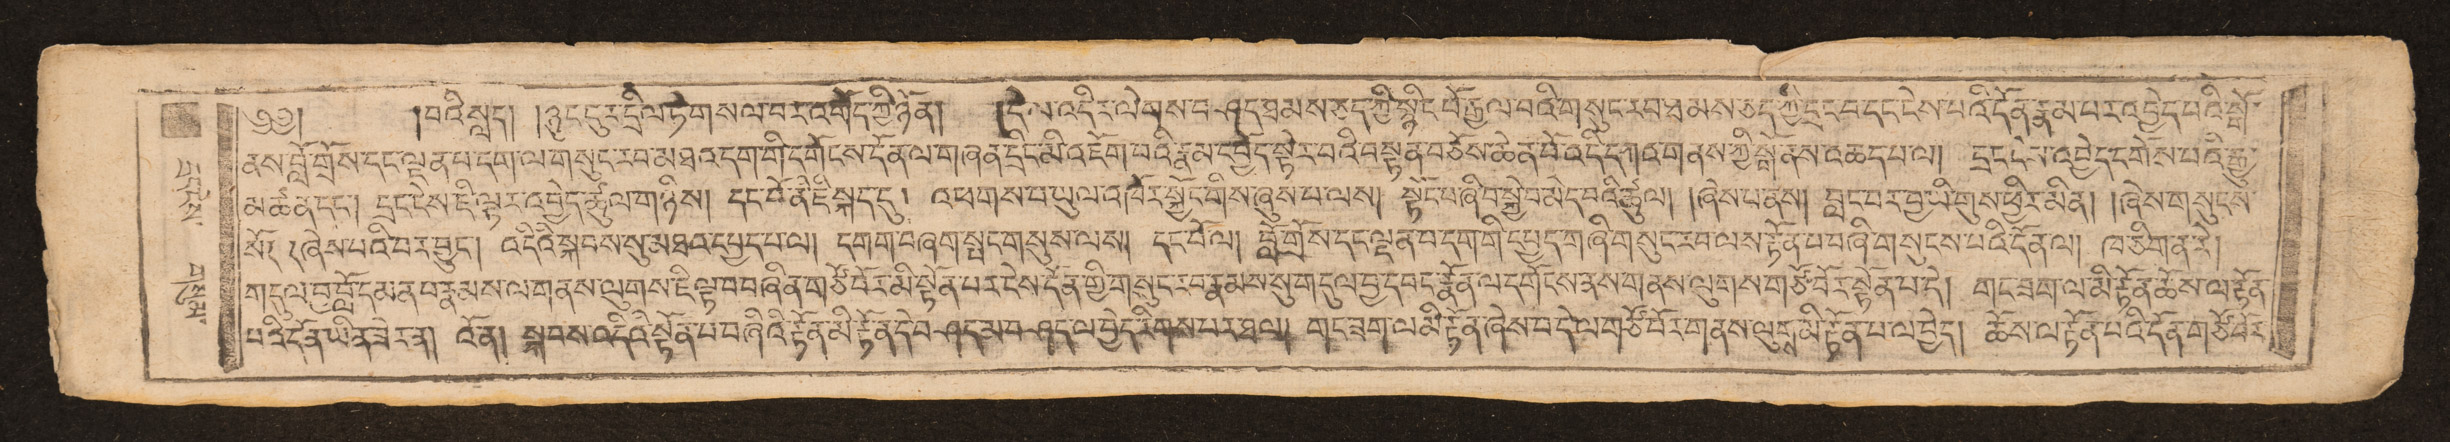༄༅། །པའི་སླད། །ཉུང་ངུར་དྲིལ་ཏེ་གསལ་བར་འགོད་ཀྱི་ཉོན། །དེ་ལ་འདིར་ལེགས་བཤད་ཐམས་ཅད་ཀྱི་སྙིང་པོ་རྒྱལ་བའི་གསུང་རབ་ཐམས་ཅད་ཀྱི་དྲང་བ་དང་ངེས་པའི་དོན་རྣམ་པར་འབྱེད་པའི་སྒོ་
ནས་བློ་གྲོས་དང་ལྡན་པ་དག་ལ་གསུང་རབ་མཐའ་དག་གི་དགོངས་དོན་ལ་གཞན་དྲིང་མི་འཇོག་པའི་རྣམ་དཔྱོད་སྟེར་བའི་བསྟན་བཅོས་ཆེན་པོ་འདི་དཀའ་གནས་ཀྱི་སྒོ་ནས་འཆད་པ་ལ། དྲང་ངེས་འབྱེད་དགོས་པའི་རྒྱུ་
མཚན་དང་། དྲང་ངེས་ཇི་ལྟར་འབྱེད་ཚུལ་གཉིས། དང་པོ་ནི་ཇི་སྐད་དུ། འཕགས་པ་ཡུལ་འཁོར་སྐྱོང་གིས་ཞུས་པ་ལས། སྟོང་བ་ཞི་བ་སྐྱེ་བ་མེད་པའི་ཚུལ། །ཞེས་པ་ནས། བླང་བར་བྱ་ཡི་གུས་ཕྱིར་མིན། །ཞེས་གསུངས་
སོ༑ ༑ཞེས་པའི་བར་བྱུང་། འདིའི་སྐབས་སུ་མཐའ་དཔྱད་པ་ལ། དགག་བཞག་སྤང་གསུས་ལས། དང་པོ་ལ། བློ་གྲོས་དང་ལྡན་པ་དག་གི་དཔྱད་གཞི་གསུང་རབ་ལས་རྟོན་པ་བཞི་གསུངས་པའི་དོན་ལ། ཁ་ཅིག་ན་རེ།
གདུལ་བྱ་བློ་དམན་པ་རྣམས་ལ་གནས་ལུགས་ཇི་ལྟ་བ་བཞིན་གཙོ་བོར་མི་སྟོན་པར་ངེས་དོན་གྱི་གསུང་རབ་རྣམས་སུ་གདུལ་བྱ་དབང་རྣོན་ལ་དགོངས་ནས་གནས་ལུགས་གཙོ་བོར་སྟོན་པ་དེ། གང་ཟག་ལ་མི་རྟོན་ཆོས་ལ་རྟོན་
པའི་དོན་ཡིན་ཟེར་ན། འོ་ན། སྐབས་འདིའི་སྟོན་པ་བཞིའི་རྟོན་མི་རྟོན་དེ་བཤད་མ་བཤད་ལ་བྱེད་རིགས་པར་ཐལ། གང་ཟག་ལ་མི་རྟོན་ཞེས་པ་དེ་ལ་གཙོ་བོར་གནས་ལུགས་མི་རྟོན་པ་ལ་བྱེད། ཆོས་ལ་རྟོན་པའི་དོན་གཙོ་བོར་